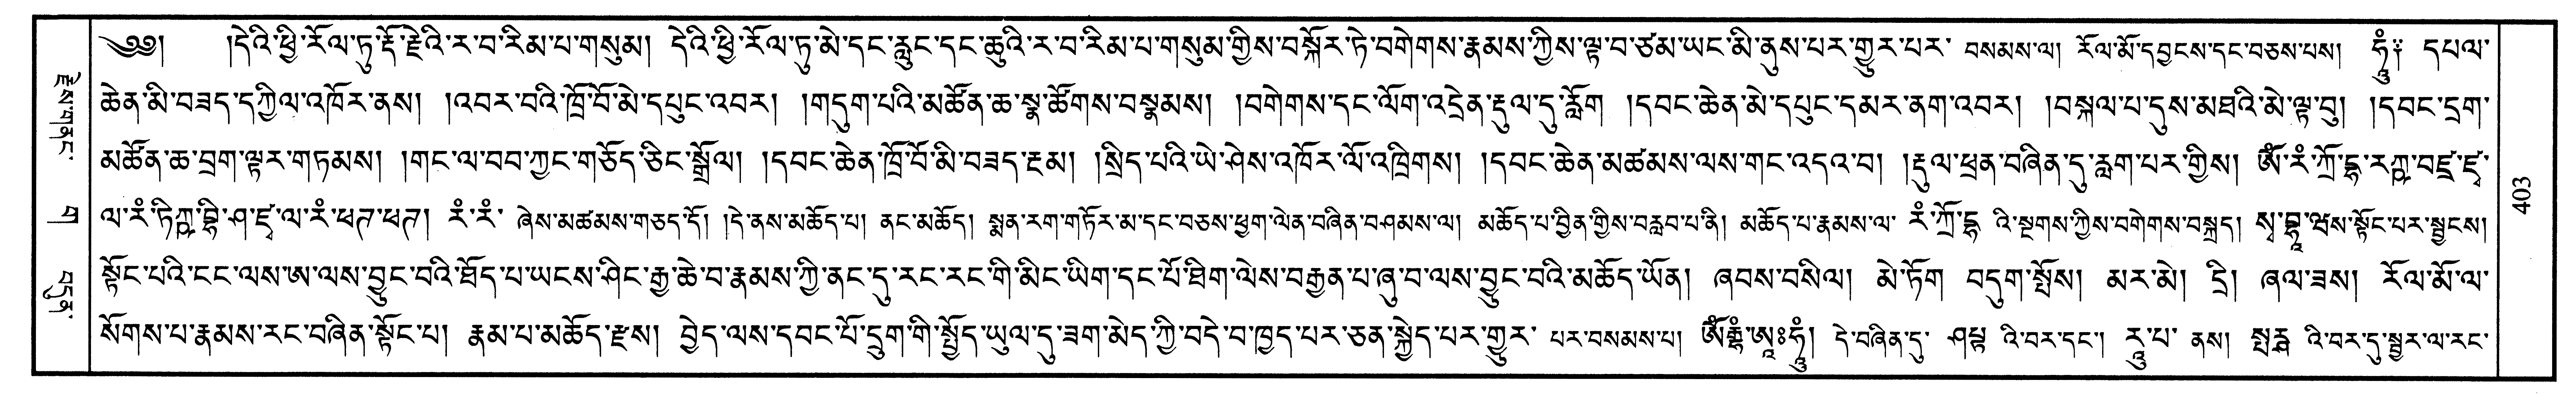༄༅། །དེའི་ཕྱི་རོལ་ཏུ་རྡོ་རྗེའི་ར་བ་རིམ་པ་གསུམ། དེའི་ཕྱི་རོལ་ཏུ་མེ་དང་རླུང་དང་ཆུའི་ར་བ་རིམ་པ་གསུམ་གྱིས་བསྐོར་ཏེ་བགེགས་རྣམས་ཀྱིས་ལྟ་བ་ཙམ་ཡང་མི་ནུས་པར་གྱུར་པར་བསམས་ལ། རོལ་མོ་དབྱངས་དང་བཅས་པས། ཧཱུཾ༑ དཔལ་
ཆེན་མི་བཟད་དཀྱིལ་འཁོར་ནས། །འབར་བའི་ཁྲོ་བོ་མེ་དཔུང་འབར། །གདུག་པའི་མཚོན་ཆ་སྣ་ཚོགས་བསྣམས། །བགེགས་དང་ལོག་འདྲེན་རྡུལ་དུ་རློག །དབང་ཆེན་མེ་དཔུང་དམར་ནག་འབར། །བསྐལ་པ་དུས་མཐའི་མེ་ལྟ་བུ། །དབང་དྲག་
མཚོན་ཆ་བྲག་ལྟར་གཏམས། །གང་ལ་བབ་ཀྱང་གཅོད་ཅིང་སྒྲོལ། །དབང་ཆེན་ཁྲོ་བོ་མི་བཟད་རྔམ། །སྲིད་པའི་ཡེ་ཤེས་འཁོར་ལོ་འཁྲིགས། །དབང་ཆེན་མཚམས་ལས་གང་འདའ་བ། །རྡུལ་ཕྲན་བཞིན་དུ་རླག་པར་གྱིས། ཨོཾ་རཾ་ཀྲོ་དྷ་རཀྵ་བཛྲ་ཛྭ་
ལ་རཾ་ཏིཀྵ་བྷི་ཤ་ཛྭ་ལ་རཾ་ཕཊ་ཕཊ། རཾ་རཾ་ཞེས་མཚམས་གཅད་དོ། །དེ་ནས་མཆོད་པ། ནང་མཆོད། སྨན་རག་གཏོར་མ་དང་བཅས་ཕྱག་ལེན་བཞིན་བཤམས་ལ། མཆོད་པ་བྱིན་གྱིས་བརླབ་པ་ནི། མཆོད་པ་རྣམས་ལ་རཾ་ཀྲོ་དྷའི་སྔགས་ཀྱིས་བགེགས་བསྐྲད། སྭ་བྷཱ་ཝས་སྟོང་པར་སྦྱངས།
སྟོང་པའི་ངང་ལས་ཨ་ལས་བྱུང་བའི་ཐོད་པ་ཡངས་ཤིང་རྒྱ་ཆེ་བ་རྣམས་ཀྱི་ནང་དུ་རང་རང་གི་མིང་ཡིག་དང་པོ་ཐིག་ལེས་བརྒྱན་པ་ཞུ་བ་ལས་བྱུང་བའི་མཆོད་ཡོན། ཞབས་བསིལ། མེ་ཏོག་བདུག་སྤོས། མར་མེ། དྲི། ཞལ་ཟས། རོལ་མོ་ལ་
སོགས་པ་རྣམས་རང་བཞིན་སྟོང་པ། རྣམ་པ་མཆོད་རྫས། བྱེད་ལས་དབང་པོ་དྲུག་གི་སྤྱོད་ཡུལ་དུ་ཟག་མེད་ཀྱི་བདེ་བ་ཁྱད་པར་ཅན་སྐྱེད་པར་གྱུར་པར་བསམས་པ། ཨོཾརྒྷཾ་ཨཱཿ ཧཱུཾ། དེ་བཞིན་དུ་ཤཔྟའི་བར་དང་། རཱུ་པ་ནས། སྤརྴའི་བར་དུ་སྦྱར་ལ་རང་